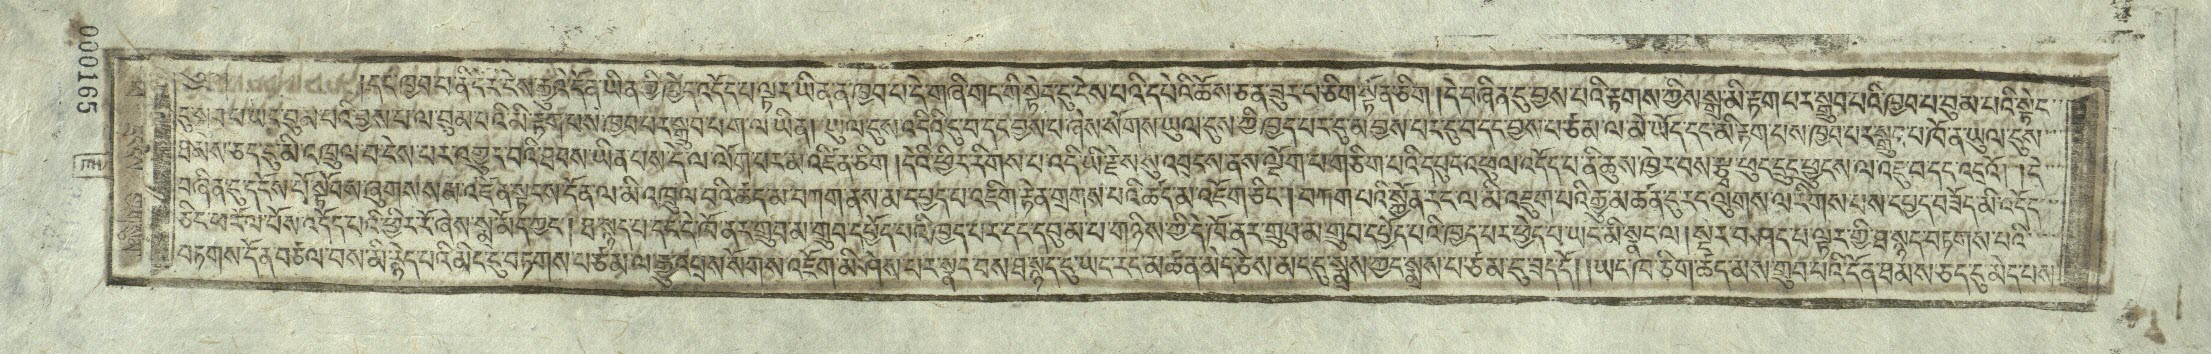༄༅། །དང་ཁྱབ་པ་ནི་དེར་ངེས་རྒྱུའི་དོན་ཡིན་གྱི་ཁྱེད་འདོད་པ་ལྟར་ཡིན་ན་ཁྱབ་པ་དེ་གཞི་གང་གི་སྟེང་དུ་ངེས་པའི་དཔེའི་ཆོས་ཅན་ཟུར་པ་ཅིག་སྟོན་ཅིག །དེ་བཞིན་དུ་བྱས་པའི་རྟགས་ཀྱིས་སྒྲ་མི་རྟག་པར་སྒྲུབ་པའི་ཁྱབ་པ་བུམ་པའི་སྟེང་
དུ་སྒྲུབ་པ་ཡང་བུམ་པའི་བྱས་པ་ལ་བུམ་པའི་མི་རྟག་པས་ཁྱབ་པར་སྒྲུབ་པ་ག་ལ་ཡིན། ཡུལ་དུས་འདིའི་དུ་བ་དང་བྱས་པ་ཞེས་སོགས་ཡུལ་དུས་ཀྱི་ཁྱད་པར་དུ་མ་བྱས་པར་དུ་བ་དང་བྱས་པ་ཙམ་ལ་མེ་ཡོད་དང་མི་རྟག་པས་ཁྱབ་པར་སྒྲུབ་པ་ཁོ་ན་ཡུལ་དུས་
ཐམས་ཅད་དུ་མི་འཁྲུལ་བ་ངེས་པར་འགྱུར་བའི་ཐབས་ཡིན་པས་དེ་ལ་ལོག་པར་མ་འཛིན་ཅིག །དེའི་ཕྱིར་རིགས་པ་འདི་ཡི་རྗེས་སུ་འབྲངས་ནས་ལྡོག་པ་གཅིག་པའི་དཔུང་འཕུལ་འདོད་པ་ནི་ཆུས་ཁྱེར་བས་རྩྭ་ཕུང་དྲུང་ཕྱུངས་ལ་འཇུ་བ་དང་འདྲའོ། །དེ་
བཞིན་དུ་དངོས་པོ་སྟོབས་ཞུགས་སམ་འཛིན་སྟངས་དོན་ལ་མི་འཁྲུལ་བའི་ཚད་མ་བཀག་ནས་མ་དཔྱད་པ་འཇིག་རྟེན་གྲགས་པའི་ཚད་མ་འཇོག་ཅིང་། བཀག་པའི་སྐྱོན་རང་ལ་མི་འཇུག་པའི་རྒྱུ་མཚན་དུ་རང་ལུགས་ལ་རིགས་པས་དཔྱད་བཟོད་མི་འདོད་
ཅིང་ཕ་རོལ་པོས་འདོད་པའི་ཕྱིར་རོ་ཞེས་སྨྲ་མོད་ཀྱང་། ཐ་སྙད་པ་དང་དེ་ཁོ་ནར་གྲུབ་མ་གྲུབ་དཔྱོད་པའི་ཁྱད་པར་དང་དབུ་མ་པ་གཉིས་ཀྱི་དེ་ཁོ་ནར་གྲུབ་མ་གྲུབ་དཔྱོད་པའི་ཁྱད་པར་ཕྱེད་པ་ཡང་མི་སྣང་ལ། སྔར་བཤད་པ་ལྟར་གྱི་ཐ་སྙད་བཏགས་པའི་
བཏགས་དོན་བཙལ་བས་མི་རྙེད་པའི་མིང་དུ་བཏགས་པ་ཙམ་ལ་རྒྱུ་འབྲས་སོགས་འཇོག་མི་ཤེས་པར་སྣང་པས་ཐ་སྙད་དུ་ཡང་རང་མཚན་མེད་ཅེས་མང་དུ་སྨྲས་ཀྱང་སྨྲས་པ་ཙམ་དུ་ཟད་དོ། །ཡང་ཁ་ཅིག་ཚད་མས་གྲུབ་པའི་དོན་ཐམས་ཅད་དུ་མེད་པས་